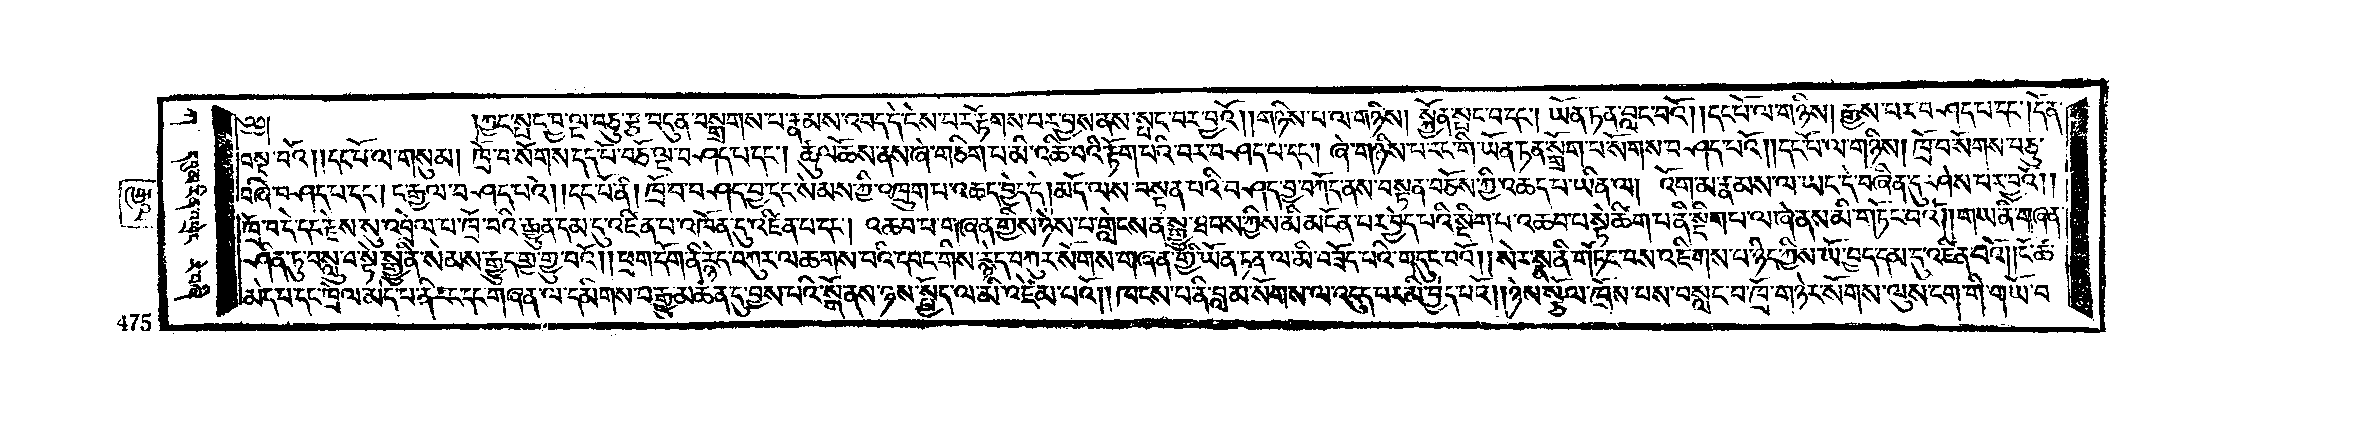༄༅། །ཀྱང་སྤང་བྱ་ལྔ་བཅུ་རྩ་བདུན་བསྒྲགས་པ་རྣམས་འབད་དེ་ངེས་པར་རྟོགས་པར་བྱས་ནས་སྤང་བར་བྱའོ། །གཉིས་པ་ལ་གཉིས། སྐྱོན་སྤང་བ་དང་། ཡོན་ཏན་བླང་བའོ། །དང་པོ་ལ་གཉིས། རྒྱས་པར་བཤད་པ་དང་། དོན་
བསྔ་བའོ། །དང་པོ་ལ་གསུམ། ཁྲོ་བ་སོགས་དང་པོ་བཅོ་ལྔ་བཤད་པ་དང་། ཚུལ་ཆོས་ནས་ཞེ་གཅིག་པ་མི་འཆི་བའི་རྟོག་པའི་བར་བཤད་པ་དང་། ཞེ་གཉིས་པ་རང་གི་ཡོན་ཏན་སྒྲོག་པ་སོགས་བཤད་པའོ། །དང་པོ་ལ་གཉིས། ཁྲོ་བ་སོགས་བཅུ་
བཞི་བཤད་པ་དང་། ང་རྒྱལ་བཤད་པའོ། །དང་པོ་ནི། ཁྲོ་བ་བཤད་བྱ་དང་སེམས་ཀྱི་འཁྲུག་པ་འཆད་བྱེད་དེ། མདོ་ལས་བསྟན་པའི་བཤད་བྱ་བཀོད་ནས་བསྟན་བཅོས་ཀྱི་འཆད་པ་ཡིན་ལ། འོག་མ་རྣམས་ལ་ཡང་དེ་བཞིན་དུ་ཤེས་པར་བྱའོ། །
ཁྲོ་བ་དེ་དང་རྗེས་སུ་འབྲེལ་པ་ཁྲོ་བའི་རྒྱུན་དམ་དུ་འཛིན་པ་འཁོན་དུ་འཛིན་པ་དང་། འཆབ་པ་གཞན་གྱིས་ཉེས་པ་གླེངས་ན་སྒྱུ་ཐབས་ཀྱིས་མི་མངོན་པར་བྱེད་པའི་སྡིག་པ་འཆབ་པ་སྟེ་ཚིགས་པ་ནི་སྡིག་པ་ལ་ཞེ་ནས་མི་གཏོང་བའོ། །གཡོ་ནི་གཞན་
ཤིན་ཏུ་བསླུ་བ་སྟེ་སྒྱུ་ནི་སེམས་རྒྱུད་གྱ་གྱུ་བའོ། །ཕྲག་དོག་ནི་རྙེད་བཀུར་ལ་ཆགས་པའི་དབང་གིས་རྙེད་བཀུར་སོགས་གཞན་གྱི་ཡོན་ཏན་ལ་མི་བཟོད་པའི་གདུང་བའོ། །སེར་སྣ་ནི་གཏོང་བས་འཇིགས་པ་ཉིད་ཀྱིས་ཡོ་བྱད་དམ་དུ་འཛིན་པའོ། །ངོ་ཚ་
མེད་པ་དང་ཁྲེལ་མེད་པ་ནི་རང་དང་གཞན་ལ་དམིགས་པ་རྒྱུ་མཚན་དུ་བྱས་པའི་སྒོ་ནས་ཉས་སྤྱོད་ལ་མི་འཛེམ་པའོ། །ཁངས་པ་ནི་བླ་མ་སོགས་ལ་འདུད་པར་མི་བྱེད་པའོ། །ཉེས་སྩོལ་ཁྲོས་པས་བསླང་བ་ཁྲོ་གཉེར་སོགས་ལུས་ངག་གི་གཡོ་བ་